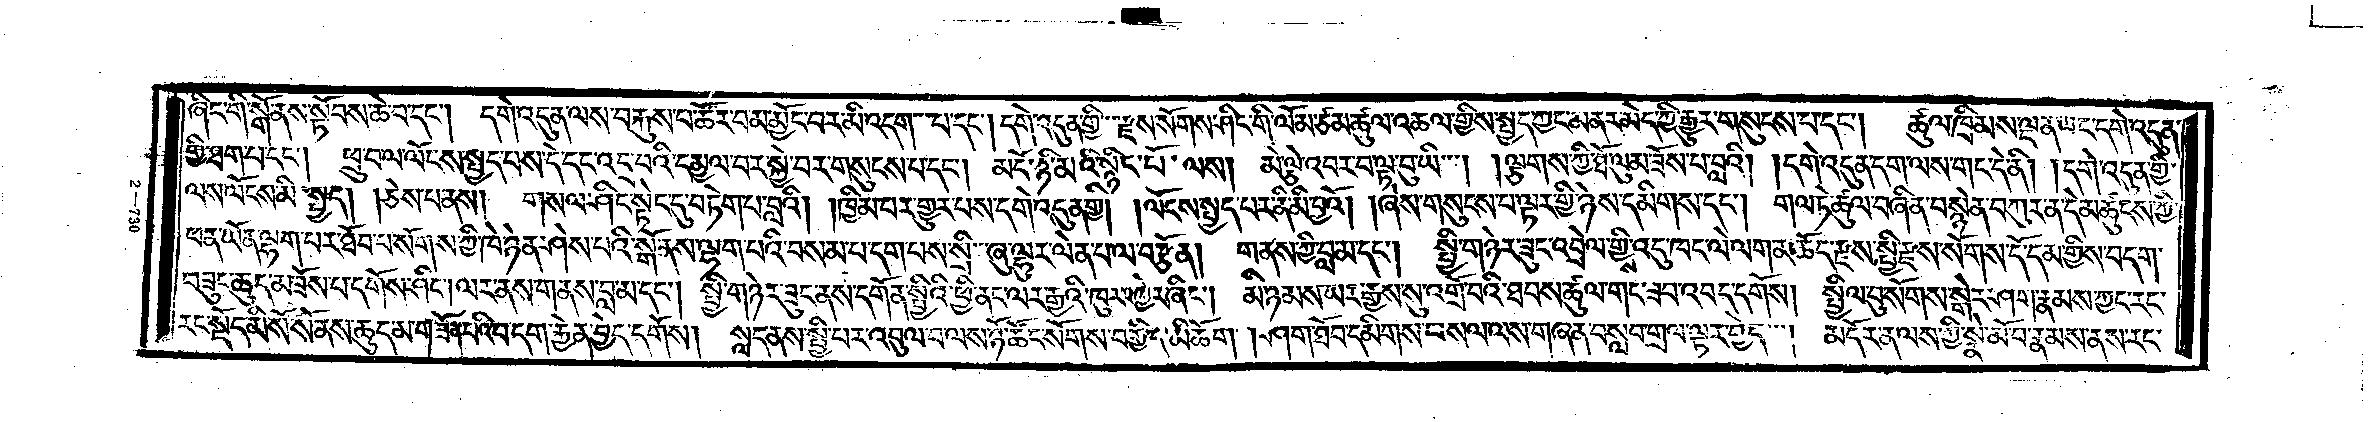ཞིང་གི་སྒོ་ནས་སྟོབས་ཆེ་བ་དང་། དགེ་འདུན་ལས་བརྐུས་བ་ཚོར་བམ་མྱོང་བར་མི་འདག་པ་དང་། དགེ་འདུན་གྱི་རྫས་སོགས་ཤིང་གི་ལོ་མ་ཙམ་ཚུལ་འཆལ་གྱིས་སྤྱད་ཀྱང་མནར་མེད་ཀྱི་རྒྱུར་གསུངས་པ་དང་། ཚུལ་ཁྲིམས་ལྡན་ཡང་དགེ་འདུན་
གྱི་ཐག་པ་དང་། ཕྲུབ་ལ་ལོངས་སྤྱད་པས་དེ་དང་འདྲ་བའི་དམྱལ་བར་སྐྱེ་བར་གསུངས་པ་དང་། མདོ་ཉི་མའི་སྙིང་པོ་ལས། མེ་ལྕེ་འབར་བ་ལྟ་བུ་ཡི། །ལྕགས་ཀྱི་ཐོ་ལུམ་ཟོས་པ་བླའི། །དགེ་འདུན་དག་ལས་གང་དེ་ནི། །དགེ་འདུན་གྱི་
ལས་ལོངས་མི་སྤྱད། །ཅེས་པ་ནས། གསལ་ཤིང་སྟེང་དུ་བཏེག་པ་བླའི། །ཁྱིམ་པར་གྱུར་པས་དགེ་འདུན་གྱི། །ལོངས་སྤྱད་པར་ནི་མི་བྱའོ། །ཞེས་གསུངས་པ་ལྟར་གྱི་ཉེས་དམིགས་དང་། གལ་ཏེ་ཚུལ་བཞིན་བསྙེན་བཀུར་ན་དེ་མཚུངས་ཀྱི་
ཕན་ཡོན་ལྷག་པར་ཐོབ་པ་སོགས་ཀྱི་ཁེ་ཉེན་ཤེས་པའི་སྒོ་ནས་ལྷག་པའི་བསམ་པ་དག་པས་སྲི་ཞུ་ལྷུར་ལེན་པ་ལ་བརྩོན། གནས་ཀྱི་བླ་མ་དང་། སྤྱི་གཉེར་ཟུང་འབྲེལ་གྱིས་འདུ་ཁང་ལེ་ལག་མཆོད་རྫས་སྤྱི་རྫས་སོགས་དོ་དམ་གྱིས་བདག་
བཟུང་ཆུད་མ་ཟོས་པ་དགོས་ཤིང་། ལར་ནས་གནས་བླ་མ་དང་། སྤྱི་གཉེར་ཟུང་ནས་དགོན་སྤྱིའི་ཕྱི་ནང་ལར་རྒྱའི་ཁུར་འཁྱེར་ཞིང་། མི་ཉམས་ཡར་རྒྱས་སུ་འགྲོ་བའི་ཐབས་ཚུལ་གང་ཟབ་འབད་དགོས། སྤྱི་བུ་སོགས་སྒེར་ཤག་རྣམས་ཀྱང་རང་
རང་སྡོད་མི་སོ་སོ་ནས་ཆུད་མ་གཟོན་པའི་བདག་རྐྱེན་བྱེད་དགོས། སླད་ནས་སྤྱི་བར་འབུལ་བ་ལས་ཉོ་ཚོང་སོགས་བགྱིད་མི་ཆོག ། ཤག་ཐོབ་དམིགས་བསལ་ལས་གཞན་བསླབ་གྲལ་ལྟར་བྱེད། མདོར་ནས་ལས་ཀྱི་སྣེ་མོ་བ་རྣམས་ནས་རན་